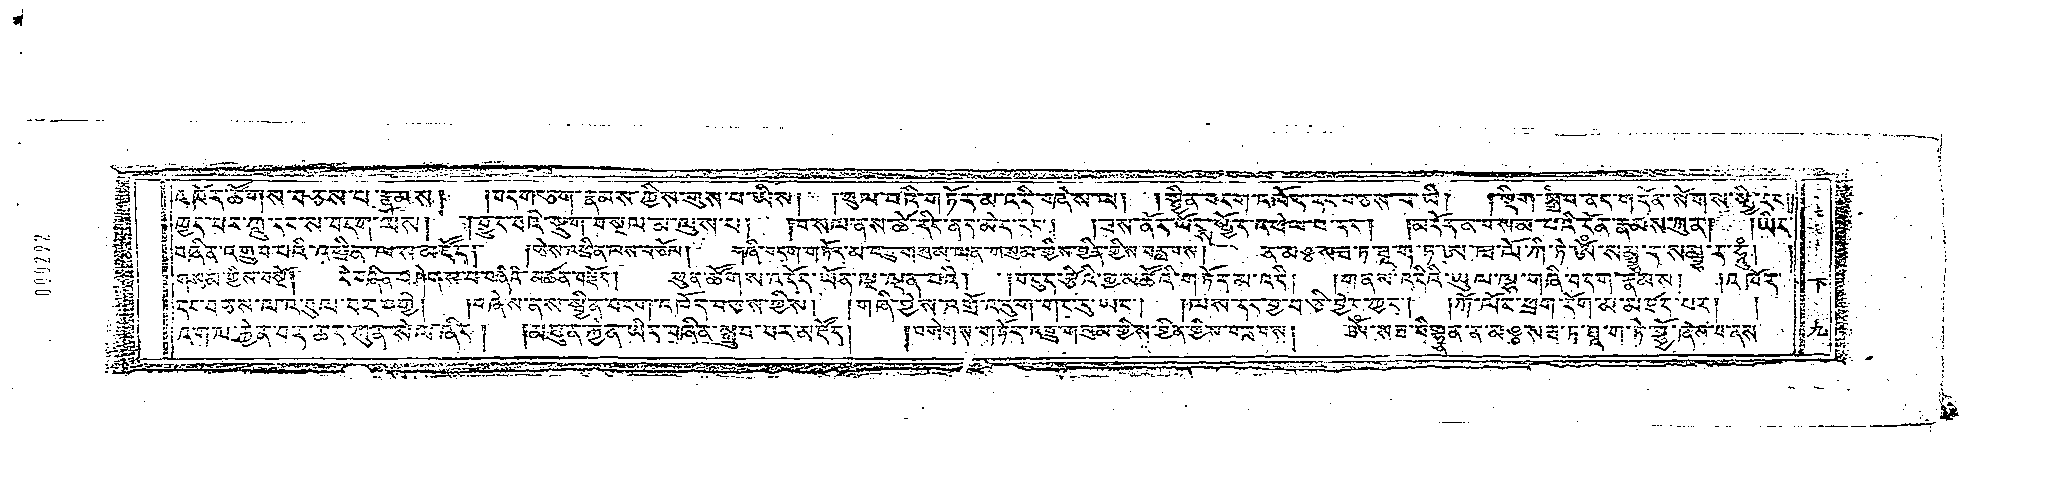འཁོར་ཚོགས་བཅས་པ་རྣམས། །བདག་ཅག་རྣམས་ཀྱིས་གུས་པ་ཡིས། །ཕུལ་བའི་གཏོར་མ་འདི་བཞེས་ལ། །སྤྱིན་བདག་འཁོར་དང་བཅས་པ་ཡི། །སྡིག་སྒྲིབ་ནད་གདོན་སོགས་སྤྱི་དང་།
ཁྱད་པར་ཀླུ་དང་ས་བདག་ལས། །བྱུང་བའི་སྡུག་བསྔལ་མ་ལུས་པ། །བསལ་ནས་ཚེ་རིང་ནད་མེད་དང་། །ཟས་ནོར་ལོང་སྤྱོད་འཕེལ་བ་དང་། །མདོར་ན་བསམ་པའི་དོན་རྣམས་ཀུན། །ཡིང་
བཞིན་འགྲུབ་པའི་འཕྲིན་ལས་མཛོད། །ཅེས་འཕྲིན་ལས་བཅོལ། །གཞི་བདག་གཏོར་མ་འབྲུ་གསུམ་ལན་གསུམ་གྱིས་བྱིན་གྱིས་བརླབས། ནམཿ་ས་བ་ཏ་ཐཱ་ག་ཏ་ཨ་ལྭ་ལོ་ཀི་ཏེ་ཨོཾ་སམྦྷ་ར་སམྦྷ་ར་ཧཱུཾ། །
གསུམ་གྱིས་བསྔོ། དེ་བཞིན་གཤེགས་པ་བཞིའི་མཚན་བརྗོད། ཕུན་སུམ་ཚོགས་འདོད་ཡོན་ལྔ་ལྡན་པའི། །བདུད་རྩིའི་རྒྱ་མཚོའི་གཏོར་མ་འདི། གནས་འདིའི་ཡུལ་ལྷ་གཞི་བདག་རྣམས། །འཁོར་
དང་བཅས་ལ་འབུལ་བར་བགྱི། །བཞེས་ནས་སྤྱིན་བདག་འཁོར་བཅས་ཀྱིས། །གཞི་བྱས་འགྲོ་འདུག་གང་དུ་ཡང་། །ལས་དང་བྱ་བ་ཅི་བྱེད་ཀྱང་། །ཀོ་ལོང་ཕྲག་དགོ་མ་མཛད་པར། །
འགལ་རྐྱེན་བར་ཆད་ཀུན་སེལ་ཞིང་། མཐུན་རྐྱེན་ཡིད་བཞིན་སྒྲུབ་བར་མཛོད། བགེགས་གཏོར་འབྲུ་གསུམ་གྱིས་བྱིན་ཀྱིས་བརླབས། ཨོཾ་སརྦ་བིགྷྣན་ན་མཿ་སརྦ་ཏ་ཐཱ་ག་ཏེ་བྷྱོ་ཞེས་པ་ནས་